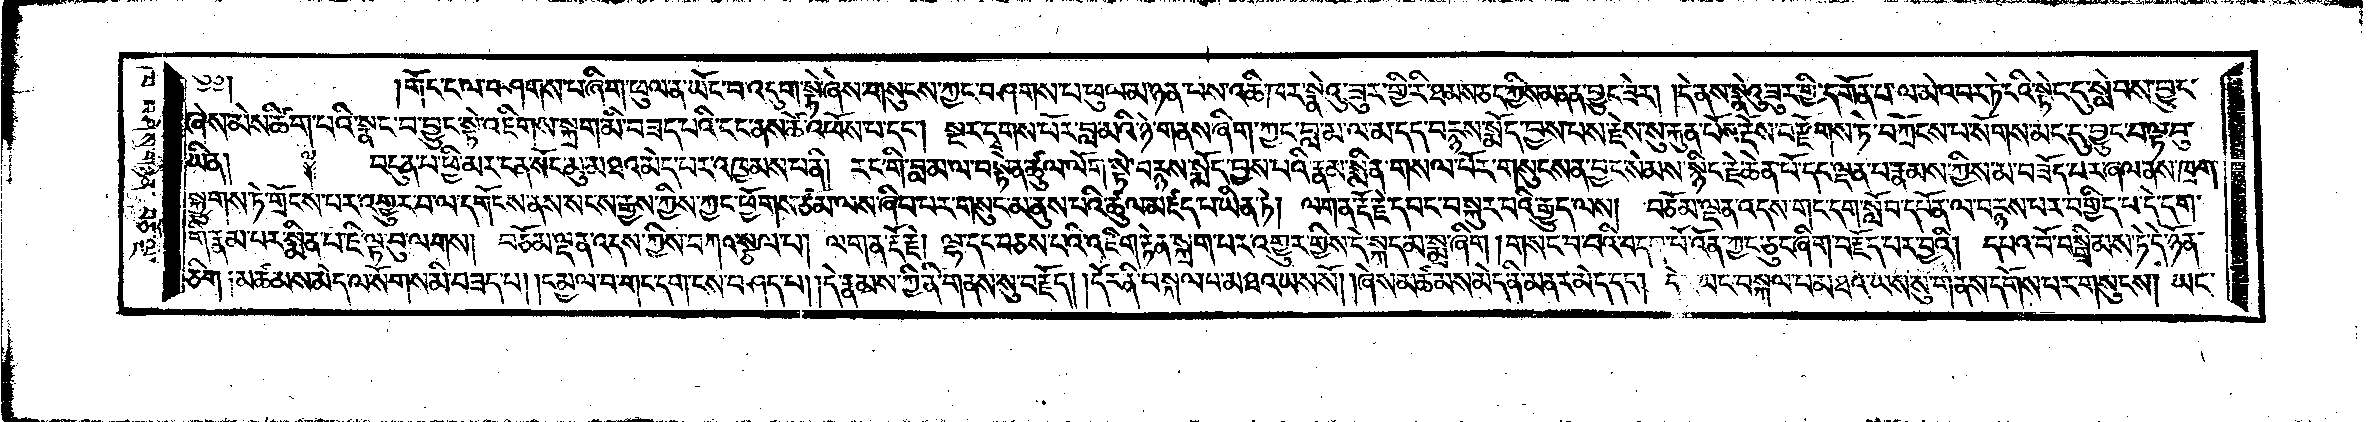༄༅། །གོང་ངལ་བཤགས་པ་ཞིག་ཕུལ་ན་ཡོང་བ་འདུག་སྟེ་ཞེས་གསུངས་ཀྱང་བཤགས་པ་ཕུལ་མ་ཉན་པས་འཆི་ཁར་སྣེའུ་ཟུར་གྱི་རི་ཐམས་ཅད་ཀྱིས་མནན་བྱུང་ཟེར། །དེ་ནས་སྣེའུ་ཟུར་གྱི་དགོན་པ་ལ་མེ་འབར་ཏེ་ངའི་སྟེང་དུ་སླེབས་བྱུང་
ཞེས་མེས་ཚིག་པའི་སྣང་བ་བྱུང་སྟེ་འཇིགས་སྐྲག་མི་བཟད་པའི་ངང་ནས་ཚེ་འཕོས་པ་དང་། སྔར་དྭགས་པོར་བླ་མའི་ཉེ་གནས་ཞིག་ཀྱང་བླ་མ་ལ་མ་དད་བརྙས་སྨོད་བྱས་པས་རྗེས་སུ་རྐུན་པོས་རྡོས་བརྫོགས་ཏེ་བཀྲོངས་པ་སོགས་མང་དུ་བྱུང་བ་ལྟ་བུ་
ཡིན། ༈ བདུན་པ་ཕྱི་མར་ངན་སོང་མུ་མཐའ་མེད་པར་འཁྱམས་པ་ནི། རང་གི་བླ་མ་ལ་བསྟེན་ཚུལ་ལོག་སྟེ་བརྙས་སྨོད་བྱས་པའི་རྣམ་སྨིན་གསལ་པོར་གསུངས་ན་བྱང་སེམས་སྙིང་རྗེ་ཆེན་པོ་དང་ལྡན་པ་རྣམས་ཀྱིས་མ་བཟོད་པར་ཞལ་ནས་ཁྲག་
སྐྱུགས་ཏེ་གྲོངས་པར་འགྱུར་བ་ལ་དགོངས་ནས་སངས་རྒྱས་ཀྱིས་ཀྱང་ཕྱོགས་ཙམ་ལས་ཞིབ་པར་གསུང་མ་ནུས་པའི་ཚུལ་མཛད་པ་ཡིན་ཏེ། ལག་ན་རྡོ་རྗེ་དབང་བསྐུར་བའི་རྒྱུད་ལས། བཅོམ་ལྡན་འདས་གང་དག་སློབ་དཔོན་ལ་བརྙས་པར་བགྱིད་པ་དེ་དག་
གི་རྣམ་པར་སྨིན་པ་ཇི་ལྟ་བུ་ལགས། བཅོམ་ལྡན་འདས་ཀྱིས་བཀའ་སྩལ་པ། ལག་ན་རྡོ་རྗེ། ལྷ་དང་བཅས་པའི་འཇིག་རྟེན་སྐྲག་པར་འགྱུར་གྱིས་དེ་སྐད་མ་སྨྲ་ཞིག །གསང་བ་བའི་བདག་པོ་འོན་ཀྱང་ཅུང་ཞིག་བརྗོད་པར་བྱའི། དཔའ་བོ་བསྒྲིམས་ཏེ་དེ་ཉོན་
ཅིག ༑མཚམས་མེད་ལ་སོགས་མི་བཟད་པ། །དམྱལ་བ་གང་དག་ངས་བཤད་པ། །དེ་རྣམས་ཀྱི་ནི་གནས་སུ་བརྗོད། །དོར་ནི་བསྐལ་པ་མཐའ་ཡས་སོ། །ཞེས་མཚམས་མེད་ནི་མནར་མེད་དང་། དེར་ཡང་བསྐལ་པ་མཐའ་ཡས་སུ་གནས་དགོས་པར་གསུངས། ཡང་